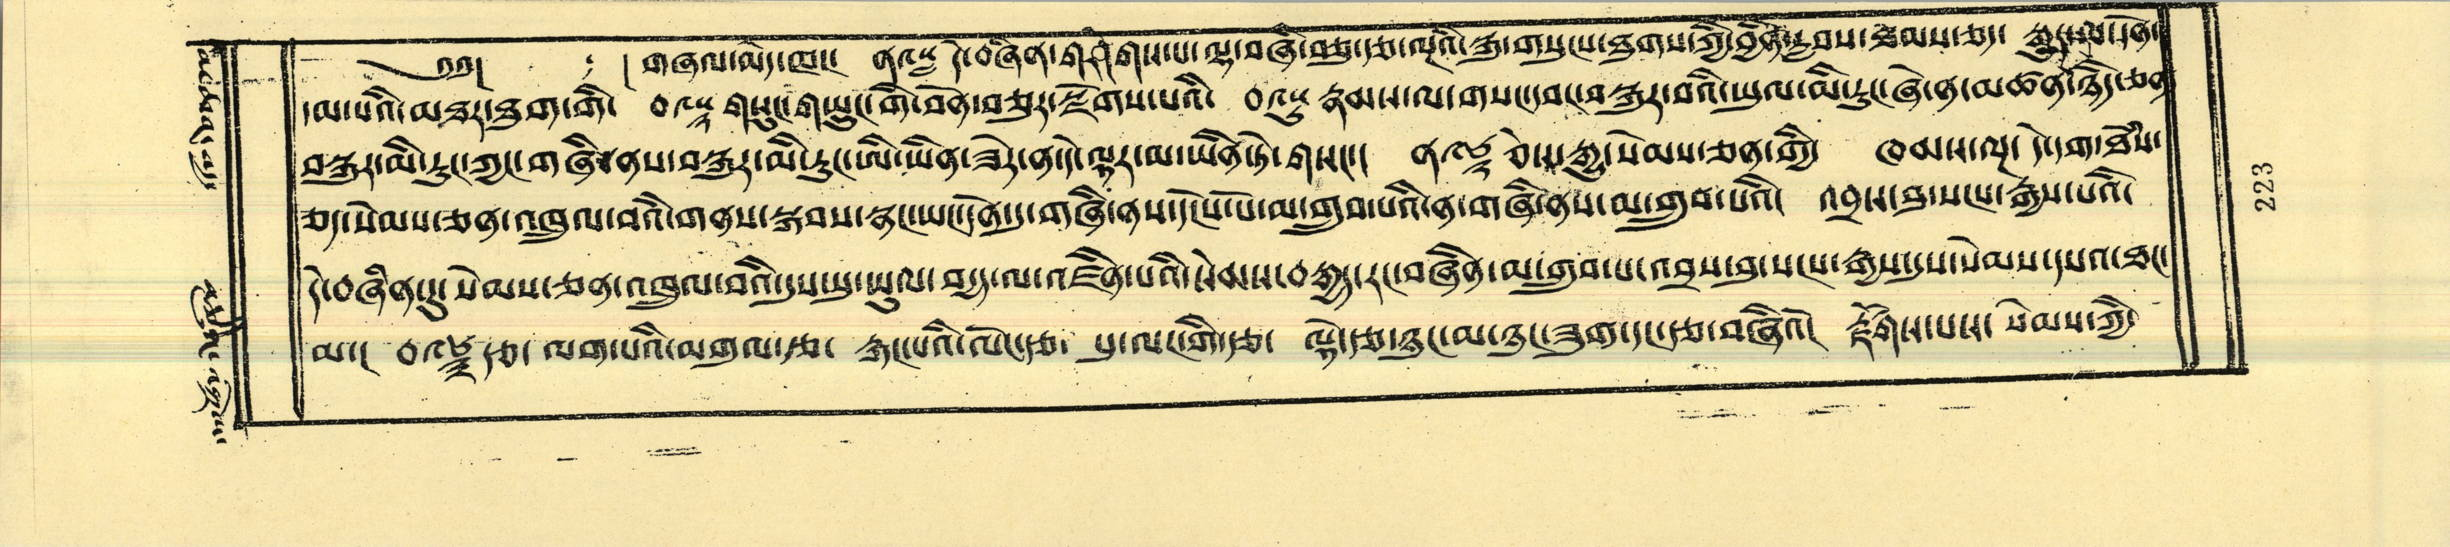གཞལ་མེད་ཁང། ན༩༥།༤ ༼དེ་བཞིན་གཤེགས་པ་༽ལྷ་བཞི་བཅུ་རྩ་ལྔའི་སྐུ་གསུངས་ཐུགས་ཀྱི་བྱིན་རླབས་ཐམས་ཅད། ༼རྒྱུད་ལ་༽དོན་
དམ་པའི་མཐར་ཐུག་གི་བ༩༥།༢ ༼གསུང་གཡུང་དྲུང་༽གི་བོན་བཅུར་སྫོགས་པའི། བ༩༥།༦ ༼རྣམས་ལ་༽གསང་དབང་བསྐུར་བའི་ཡུལ་མི་རུང་ཞེ་ན་མཚན་ཉིད་ཅན་
བསྐུར་མི་རུང་ཀྱང་གཞི་ནས་བསྐུར་མི་རུང་ཨི་ཡིན་ཟེར་ན་དེ་ལྟར་མ་ཡིན་ཏེ་ ༼གསང་༽ན༩༦།༢ ༼ཅེས་རྒྱུ་༽སེམས་ཅན་གྱི། ༼ཁམས་ལྔ་༽དེ་དག་ཐམས་
ཅད་སེམས་ཅན་འཁྲུལ་བའི་གནས་སྐབས་སྣང་ཡང་དོན་དུ་གཞི་ནས་དངོས་པོ་མ་གྲུབ་པའི་ན་གཞི་ནས་མ་གྲུབ་པའི། ༼འབྲས་༽བུ་སངས་རྒྱས་པའི་ 
༼དེ་བཞིན་དུ་༽སེམས་ཅན་འཁྲུལ་བའི་དུས་སུ་ ༼ཡུལ་༽བརྒྱད་ལ་འཛིན་པའི་ ༼སེམས་བརྒྱད་༽རང་བཞིན་མ་གྲུབ་པ་འབྲས་བུ་སངས་རྒྱས་དུས་སེམས་དཔའ་ཐང་
མ། བ༩༦།༣ ༼རྩ་༽ལག་པའི་མགུལ་རྩ། རྐང་པའི་ལོང་རྩ། པུ་ལང་གི་རྩ། ལྟེ་རྩ་ཉུང་མ་ཉུང་ཟུག་དང་རྩ་བཞིའོ། ༼རྫོགས་པས་༽སེམས་ཀྱི་